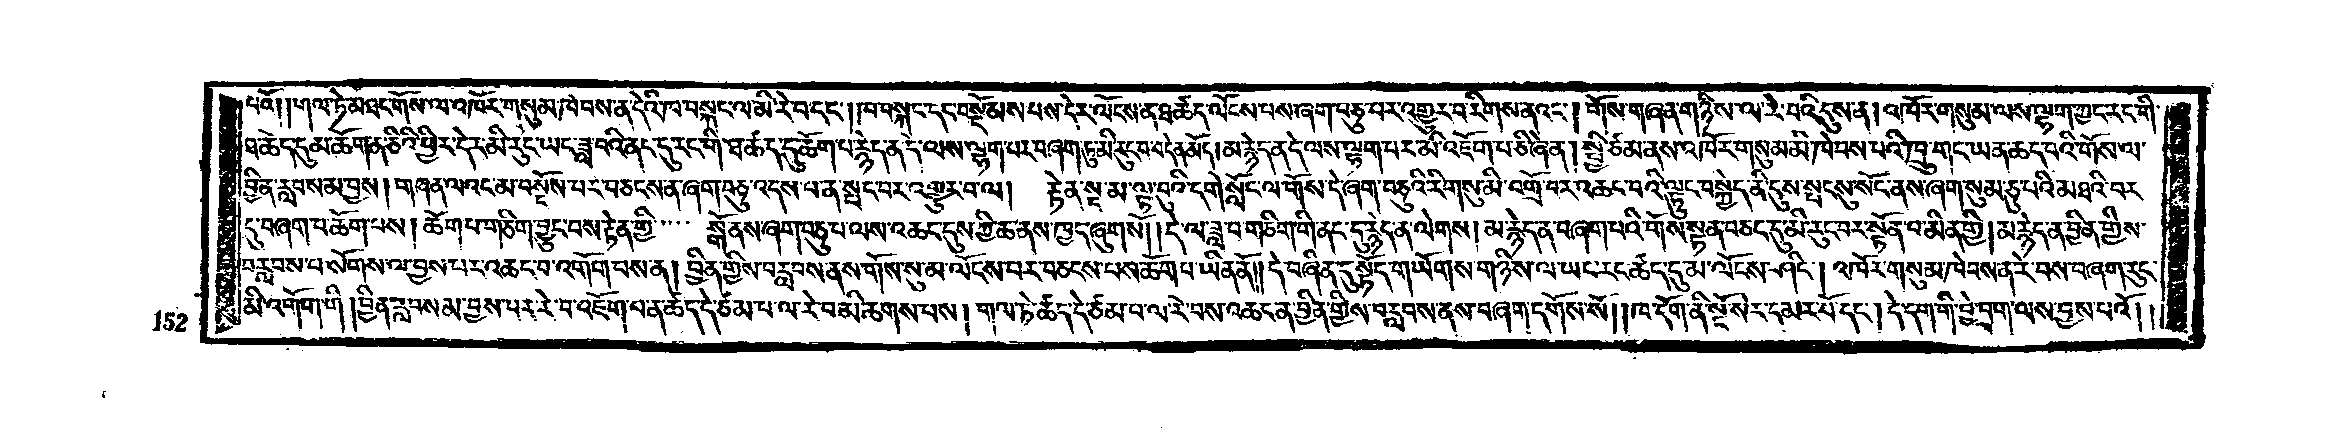པའོ། །གལ་ཏེ་མཐང་གོས་ལ་འཁོར་གསུམ་ཁེབས་ན་དེའི་ཁ་བསྐང་ལ་མི་རེ་བ་དང་། ཁ་བསྐང་དང་བསྡོམས་པས་དེར་ལོངས་ན་ཐ་ཚད་ལོངས་པས་ཞག་བཅུ་པར་འགྱུར་བ་རིགས་ནའང་། གོས་གཞན་གཉིས་ལ་རེ་བའི་དུས་ན། འཁོར་གསུམ་ལས་ལྷག་ཀྱང་རང་གི་
འཚད?་དུ་མ་ཆོག་ན་ཅིའི་ཕྱིར་དེར་མི་རུང་ཡང་ཟླ་བའི་ནང་དུ་རང་གི་ཐ་ཚད་དུ་ཆོག་པ་རྙེད་ན་དེ་ལས་ལྷག་པར་བཞག་ཏུ་མི་རུང་བ་བདེན་མོད། མ་རྙེད་ན་དེ་ལས་ལྷག་པར་མི་འཇོག་པ་ཅི་ཞེ་ན། སྤྱི་ཙམ་ནས་འཁོར་གསུམ་མི་ཁེབས་པའི་ཁྲུ་གང་ཡན་ཆད་པའི་གོས་ལ་
བྱིན་རླབས་མ་བྱས། གཞན་ལའང་མ་བསྔོས་པར་བཅངས་ན་ཞག་བཅུ་འདས་པ་ན་སྤང་བར་འགྱུར་བ་ལ། རྟེན་སྔ་མ་ལྟ་བུའི་དགེ་སློང་ལ་གོས་དེ་ཞག་བཅུའི་རིགས་སུ་མི་འགྲོ་བར་འཆང་བའི་ལྟུང་བསྐྱེད་ནི་དུས་སྤངས་སུ་སོང་ནས་ཞག་སུམ་ཅུ་པའི་མཐའི་བར་
དུ་བཞག་པ་ཆོག་པས། ཆག་པ་གཅིག་བྱུང་བས་རྟེན་གྱི་སྒོ་ནས་ཞག་བཅུ་པ་ལས་འཆང་དུས་ཀྱི་ཆ་ནས་ཁྱད་ཞུགས་སོ། །དེ་ལ་ཟླ་བ་གཅིག་གི་ནང་དུ་རྙེད་ན་ལེགས། མ་རྙེད་ན་བཞག་པའི་གོས་སྟན་བཅང་དུ་མི་རུང་བར་སྟོན་པ་མིན་གྱི། མ་རྙེད་ན་བྱིན་གྱིས་
བརླབས་པ་སོགས་ལ་བྱས་པར་འཆང་བ་འགོག་པས་ན། བྱིན་གྱིས་བརླབས་ནས་གོས་སུ་མ་ལོངས་པར་བཅངས་པས་ཆོག་པ་ཡིན་ནོ། །དེ་བཞིན་དུ་སྟོད་གཡོགས་གཉིས་ལ་ཡང་རང་ཚད་དུ་མ་ལོངས་ཤིང་། འཁོར་གསུམ་ཁེབས་ན་རེ་བས་བཞག་རུང་
མི་འགོག་གི །བྱིན་རླབས་མ་བྱས་པར་རེ་བ་འཇོག་པ་ན་ཚད་དེ་ཙམ་པ་ལ་རེ་བ་མི་ཆགས་པས། གལ་ཏེ་ཚད་དེ་ཙམ་པ་ལ་རེ་བས་འཆང་ན་བྱིན་གྱིས་བརླབས་ནས་བཞག་དགོས་སོ། །ཁ་དོག་ནི་སྔོ་སེར་དམར་པོ་དང་། དེ་དག་གི་བྱེ་བྲག་ལས་བྱས་པའོ། །